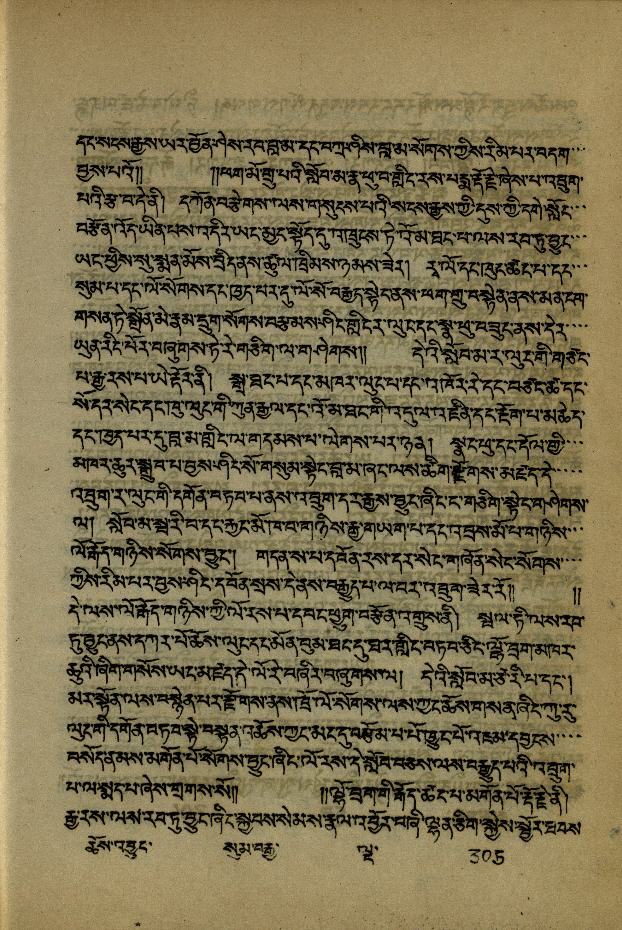དང་སངས་རྒྱས་ཡར་བྱོན་ཤེས་རབ་བླ་མ་དང་བཀྲ་ཤིས་བླ་མ་སོགས་ཀྱིས་རིམ་པར་བདག་
བྱས་པའོ།། །།ཕག་མོ་གྲུ་པའི་སློབ་མ་རྣ་ཕུ་བ་གླིང་རས་པདམ་རྡོ་རྗེ་ཞེས་པ་འབྲུག་
པའི་རྩ་བ་དེ་ནི། དཀོན་བརྩེགས་ལས་གསུངས་པའི་སངས་རྒྱས་ཀྱི་དུས་ཀྱི་དགེ་སློང་
བརྩོན་འོད་ཡིན་པས་འདིར་ཡང་མྱང་སྟོད་དུ་འཁྲུངས་ཏེ་འོ་མ་ཐང་པ་ལས་རབ་ཏུ་བྱུང་
ཡང་ཕྱིས་སུ་སྨན་མོས་བྲིད་ནས་ཚུལ་ཁྲིམས་ཉམས་ཟེར། རྭ་ལོ་དང་ཁུང་ཚང་པ་དང་
སུམ་པ་དང་ལོ་སོགས་དང་ཁྱད་པར་དུ་ལོ་སོ་བརྒྱད་སྟེང་ནས་ཕག་གྲུ་བསྟེན་ནས་མན་ངག་
གསན་ཏེ་སྒྲོན་མེ་རྣམ་དྲུག་སོགས་བརྩམས་ཤིང་གླིང་ར་ལུང་དང་སྣ་ཕུ་བཟུང་ནས་དེར་
ཡུན་རིང་པོར་བཞུགས་ཏེ་རེ་གཅིག་ལ་གཤེགས།། དེའི་སློབ་མ་ར་ལུང་གི་གཙང་
པ་རྒྱ་རས་པ་ཡེ་རྡོར་ནི། སྒྲ་ཐང་པ་དང་མཁར་ལུང་པ་དང་འཁོར་རེ་དང་བཙང་ཚ་དང་
སོ་དར་སེང་དང་ཁུ་ལུང་གི་ཀུན་རྒྱལ་དང་འོ་མ་ཐང་གི་འདུལ་འཛིན་དང་རྡོག་པ་མཆེད་
དང་ཁྱད་པར་དུ་བླ་མ་གླིང་ལ་གདམས་པ་ལེགས་པར་ཉན། སྣང་ཕུ་དང་དོལ་གྱི་
མཁར་ཆུར་སྒྲུབ་པ་བྱས་ཤིང་སོ་གསུམ་སྟེང་བླ་མ་ཞང་ལས་ཚིག་རྫོགས་མཛད་དེ་
འབྲུག་ར་ལུང་གི་དགོན་བཏབ་པ་ནས་འབྲུག་དར་རྒྱས་བྱུང་ཞིང་ང་གཅིག་སྟེང་གཤེགས་
ལ། སློབ་མ་སྦ་རི་བ་དང་རྐྱང་མོ་ཁ་བ་གཉིས་རྒྱ་གཡག་པ་དང་འབྲས་མོ་པ་གཉིས་
ལོ་རྒོད་གཉིས་སོགས་བྱུང་། གདན་ས་པ་དབོན་རས་དར་སེང་གཞོན་སེང་སོགས་
ཀྱིས་རིམ་པར་བྱས་ཤིང་དབོན་སྲས་དེ་ནས་བརྒྱུད་པ་ལ་བར་འབྲུག་ཟེར་རོ།། །།
དེ་ལས་ལོ་རྒོད་གཉིས་ཀྱི་ལོ་རས་པ་དབང་ཕྱུག་བརྩོན་འགྲུས་ནི། སྦལ་ཏི་ལས་རབ་
ཏུ་བྱུང་ནས་དཀར་པོ་ཆོས་ལུང་དང་མོན་བུམ་ཐང་དུ་ཐར་གླིང་བཏབ་ཅིང་ལྷོ་བྲག་མཁར་
ཆུའི་ཞིག་གསོས་ཡང་མཛད་དེ་ལོ་རེ་བཞིར་བཞུགས་ལ། དེའི་སློབ་མ་ཙ་རི་པ་དང་།
མར་སྟོན་ལས་བསྙེན་པར་རྫོགས་ནས་ཁྲོ་ལོ་སོགས་ལས་ཀྱང་ཆོས་གསན་ཞིང་ཀུ་རུ་
ལུང་གི་དགོན་བཏབ་སྟེ་བསྟན་འཆོས་ཀྱང་མང་དུ་བརྩོམ་པ་པོ་ཁྱུང་པོ་འཇམ་དབྱངས་
བསོད་ནམས་མགོན་པོ་སོགས་བྱུང་ཞིང་ལོ་རས་དེ་སློབ་བཅས་ལས་བརྒྱུད་པའི་འབྲུག་
པ་ལ་སྨད་པ་ཞེས་གྲགས་སོ།། །།ལྷོ་བྲག་གི་རྒོད་ཚང་པ་མགོན་པོ་རྡོ་རྗེ་ནི།
རྒྱ་རས་ལས་རབ་ཏུ་བྱུང་ཞིང་སྐྱབས་སེམས་རྣལ་འབྱོར་བཞི་ལྷན་ཅིག་སྐྱེས་སྦྱོར་ཐབས་